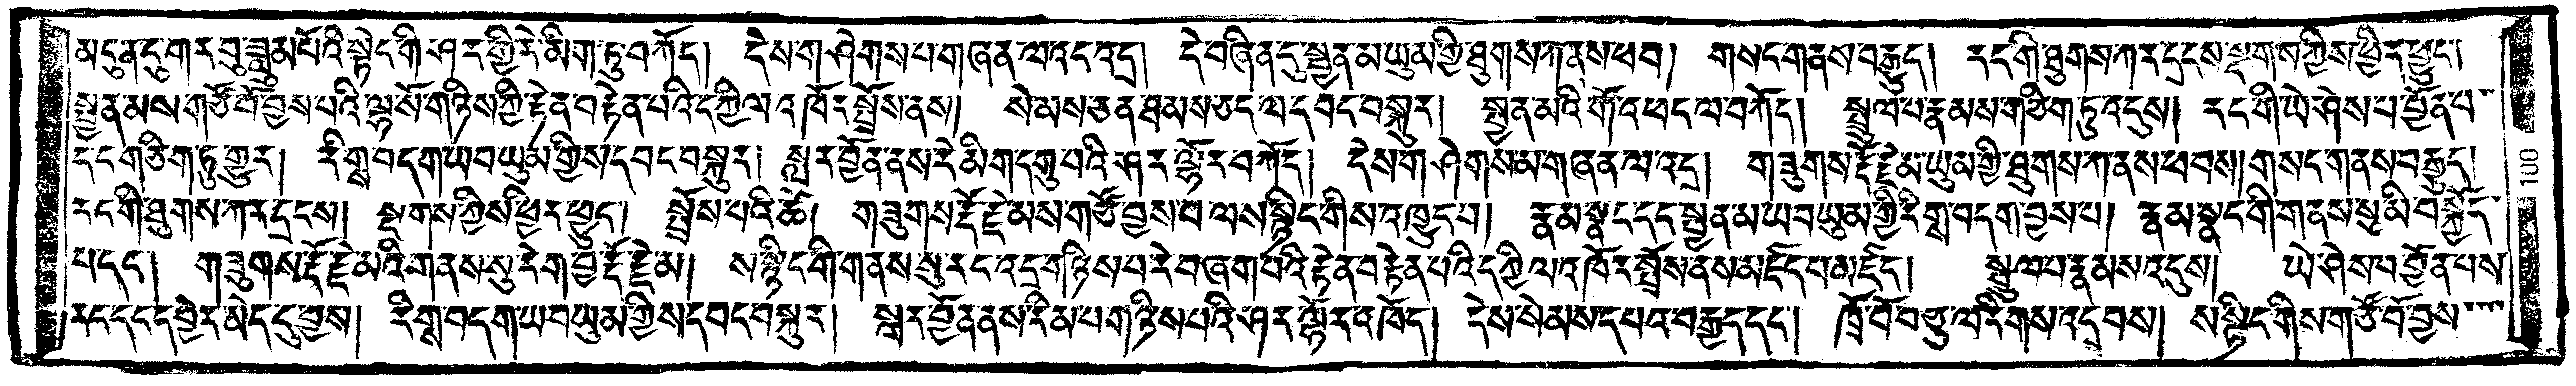མདུན་དུ་གར་བུ་ཟླུམ་པོའི་སྟེང་གི་ཤར་གྱི་རེ་མིག་ཏུ་བཀོད། དེས་གཤེགས་པ་གཞན་ལའང་འདྲ། དེ་བཞིན་དུ་སྤྱན་མ་ཡུམ་གྱི་ཐུགས་ཀ་ནས་ཕབ། གསང་གནས་བརྒྱུད། རང་གི་ཐུགས་ཀར་དྲངས་སྔགས་ཀྱིས་ཕྱིར་ཕྱུང་།
སྤྱན་མས་གཙོ་བོ་བྱས་པའི་ལྷ་སོ་གཉིས་ཀྱི་རྟེན་བརྟེན་པའི་དཀྱིལ་འཁོར་སྤྲོས་ནས། སེམས་ཅན་ཐམས་ཅད་ལ་དབང་བསྐུར། སྤྱན་མའི་གོ་འཕང་ལ་བཀོད། སྤྲུལ་པ་རྣམས་གཅིག་ཏུ་འདུས། རང་གི་ཡེ་ཤེས་པ་བྱོན་པ་
དང་གཅིག་ཏུ་གྱུར། རིགས་བདག་ཡབ་ཡུམ་གྱིས་དབང་བསྐུར། སླར་བྱོན་ནས་རེ་མིག་དགུ་བའི་ཤར་ལྷོར་བཀོད། དེས་གཤེགས་མ་གཞན་ལ་འདྲ། གཟུགས་རྡོ་རྗེ་མ་ཡུམ་གྱི་ཐུགས་ཀ་ནས་ཕབས། གསང་གནས་བརྒྱུད།
རང་གི་ཐུགས་ཀར་དྲངས། སྔགས་ཀྱིས་ཕྱིར་ཕྱུང་། སྤྲོས་པའི་ཚེ། གཟུགས་རྡོ་རྗེ་མས་གཙོ་བྱས་པ་ལས་སྙིང་གིས་འཁྱུད་པ། རྣམ་སྣང་དང་སྤྱན་མ་ཡབ་ཡུམ་གྱི་རིགས་བདག་བྱས་པ། རྣམ་སྣང་གི་གནས་སུ་མི་བསྐྱོད་
པ་དང་། གཟུགས་རྡོ་རྗེ་མའི་གནས་སུ་རེག་བྱ་རྡོ་རྗེ་མ། ས་སྙིང་གི་གནས་སུ་རང་འདྲ་གཉིས་པ་རེ་བཞག་པའི་རྟེན་བརྟེན་པའི་དཀྱིལ་འཁོར་སྤྲོས་ནས་མཛད་པ་མཛད། སྤྲུལ་པ་རྣམས་འདུས། ཡེ་ཤེས་བ་བྱོན་པས་
རང་དང་དབྱེར་མེད་དུ་བྱས། རིགས་བདག་ཡབ་ཡུམ་གྱིས་དབང་བསྐུར། སླར་བྱོན་ནས་རིམ་པ་གཉིས་པའི་ཤར་ལྷོར་འཁོད། དེས་སེམས་དཔའ་བརྒྱད་དང་། ཁྲོ་བོ་བཅུ་ལ་རིགས་འདྲ་བས། ས་སྟིང་གིས་གཙོ་བོ་བྱས་